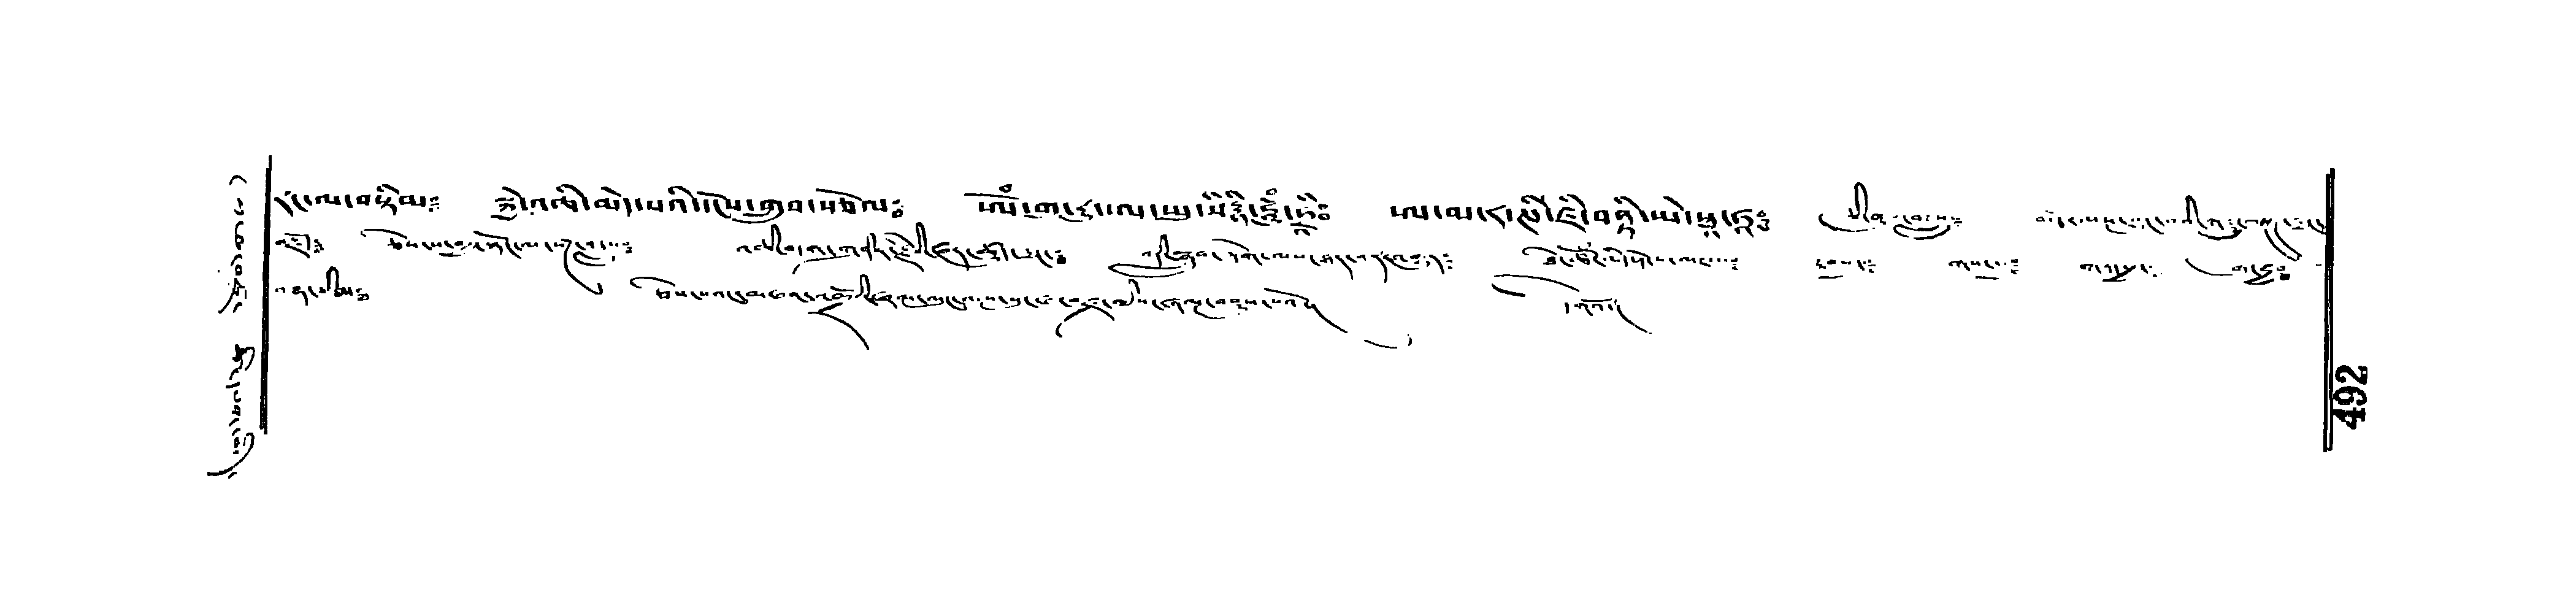རང་ལ་བསྟིམ༔ སྐྱེ་འཆི་མེད་པའི་དངོས་གྲུབ་སྩོལ༔ ཨོཾ་གུ་རུ་ཨ་ཡུ་སིདྡྷི་ཧཱུྃ་ཧྲཱིཿ ཨ་མ་ར་ཎི་ཛི་བནྟི་ཡེ་སྭཱ་ཧཱཿ ཅི་ནུས་བཟླ༔ མདོ་ལས་བྱུང་བའི་གཟུངས་སྔགས་ཀྱང་
བརྗོད༔ ཅེས་པ་བརྒྱ་སྟོང་ལ་སོགས་བཟླས༔ འཆི་བདག་གཤིན་རྗེའི་ཁར་ཚུད་ཀྱང༔ འདི་སྒྲུབ་ཀེག་ལས་ཐར་བར་འགྱུར༔ ཐེ་ཚོམ་མེད་དོ་ས་མ་ཡ༔ ཟབ་རྒྱ༔ གསང་རྒྱ༔ གཏད་རྒྱ༔ གུ་ཧྱ༔ 
བརྡ་ཐིམ༔ ཅེས་པའང་མཁའ་འགྲོའི་ཞལ་ལུང་ལས་སུ་ཁ་བཛྲ་གྱིས་ཞལ་བཤུས་པའོ།། དགེའོ།།